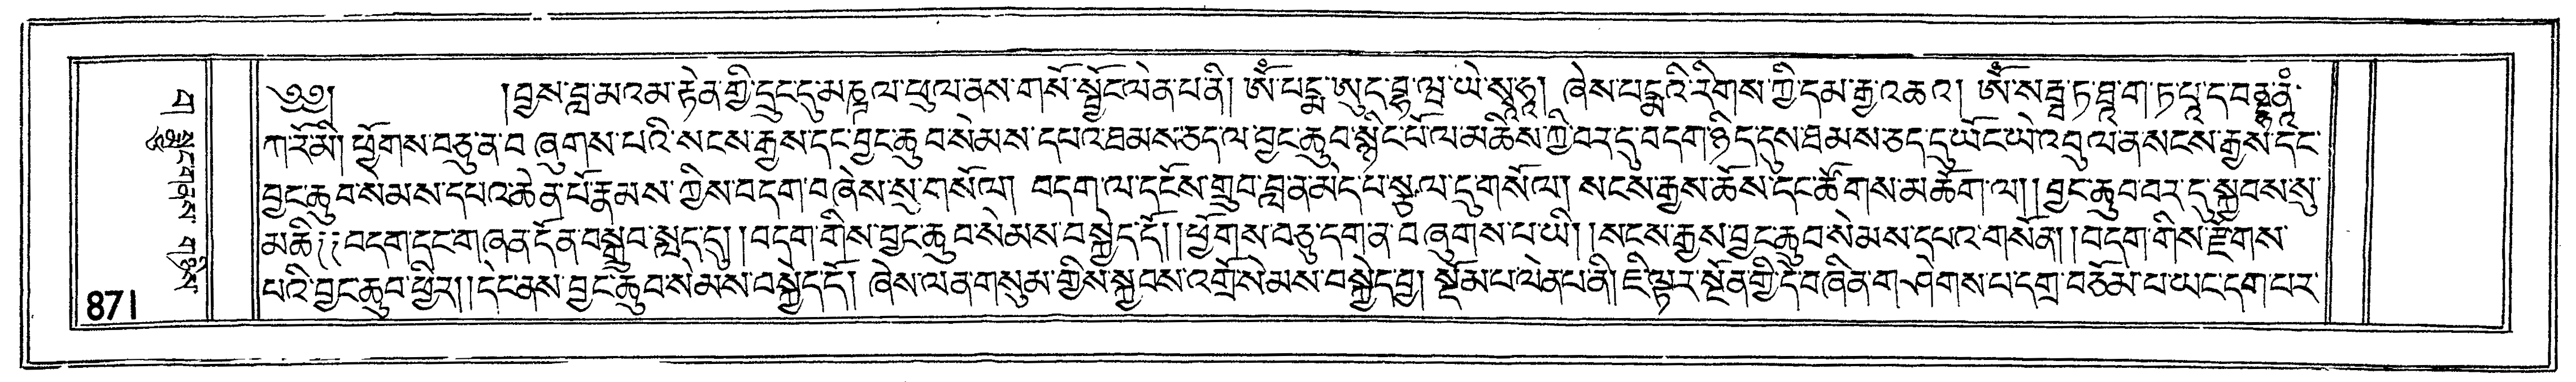༄༅། །བྱས་བླ་མའམ་རྟེན་གྱི་དྲུང་དུ་མཎྜལ་ཕུལ་ནས་གསོ་སྦྱོང་ལེན་པ་ནི། ཨོཾ་པདམ་ཨུད་བྷ་ཝ་ཡེ་སྭཱཧཱ། ཞེས་པདམའི་རིགས་ཀྱི་དམ་རྒྱ་འཆའ། ཨོཾ་སརྦྦ་ཏ་ཐཱ་ག་ཏ་པཱ་ད་བནྡྷ་ནཱཾ་
ཀ་རོ་མི། ཕྱོགས་བཅུ་ན་བཞུགས་པའི་སངས་རྒྱས་དང་བྱང་ཆུབ་སེམས་དཔའ་ཐམས་ཅད་ལ་བྱང་ཆུབ་སྙིང་པོ་ལ་མཆིས་ཀྱི་བར་དུ་བདག་ཉིད་དུས་ཐམས་ཅད་དུ་ཡོང་ཡེ་འབུལ་ན་སངས་རྒྱས་དང་
བྱང་ཆུབ་སེམས་དཔའ་ཆེན་པོ་རྣམས་ཀྱིས་བདག་བཞེས་སུ་གསོལ། བདག་ལ་དངོས་གྲུབ་བླ་ན་མེད་པ་སྩལ་དུ་གསོལ། སངས་རྒྱས་ཆོས་དང་ཚོགས་མཆོག་ལ། །བྱང་ཆུབ་བར་དུ་སྐྱབས་སུ་
མཆི། །བདག་དང་གཞན་དོན་བསྒྲུབ་སླད་དུ། །བདག་གིས་བྱང་ཆུབ་སེམས་བསྐྱེད་དོ། །ཕྱོགས་བཅུ་དག་ན་བཞུགས་པ་ཡི། །སངས་རྒྱས་བྱང་ཆུབ་སེམས་དཔའ་གསོན། །བདག་གིས་རྫོགས་
པའི་བྱང་ཆུབ་ཕྱིར། །དེང་ནས་བྱང་ཆུབ་སེམས་བསྐྱེད་དོ། ཞེས་ལན་གསུམ་གྱིས་སྐྱབས་འགྲོ་སེམས་བསྐྱེད་བྱ། སྡོམ་པ་ལེན་པ་ནི། ཇི་ལྟར་སྔོན་གྱི་དེ་བཞིན་གཤེགས་པ་དགྲ་བཅོམ་པ་ཡང་དག་པར་